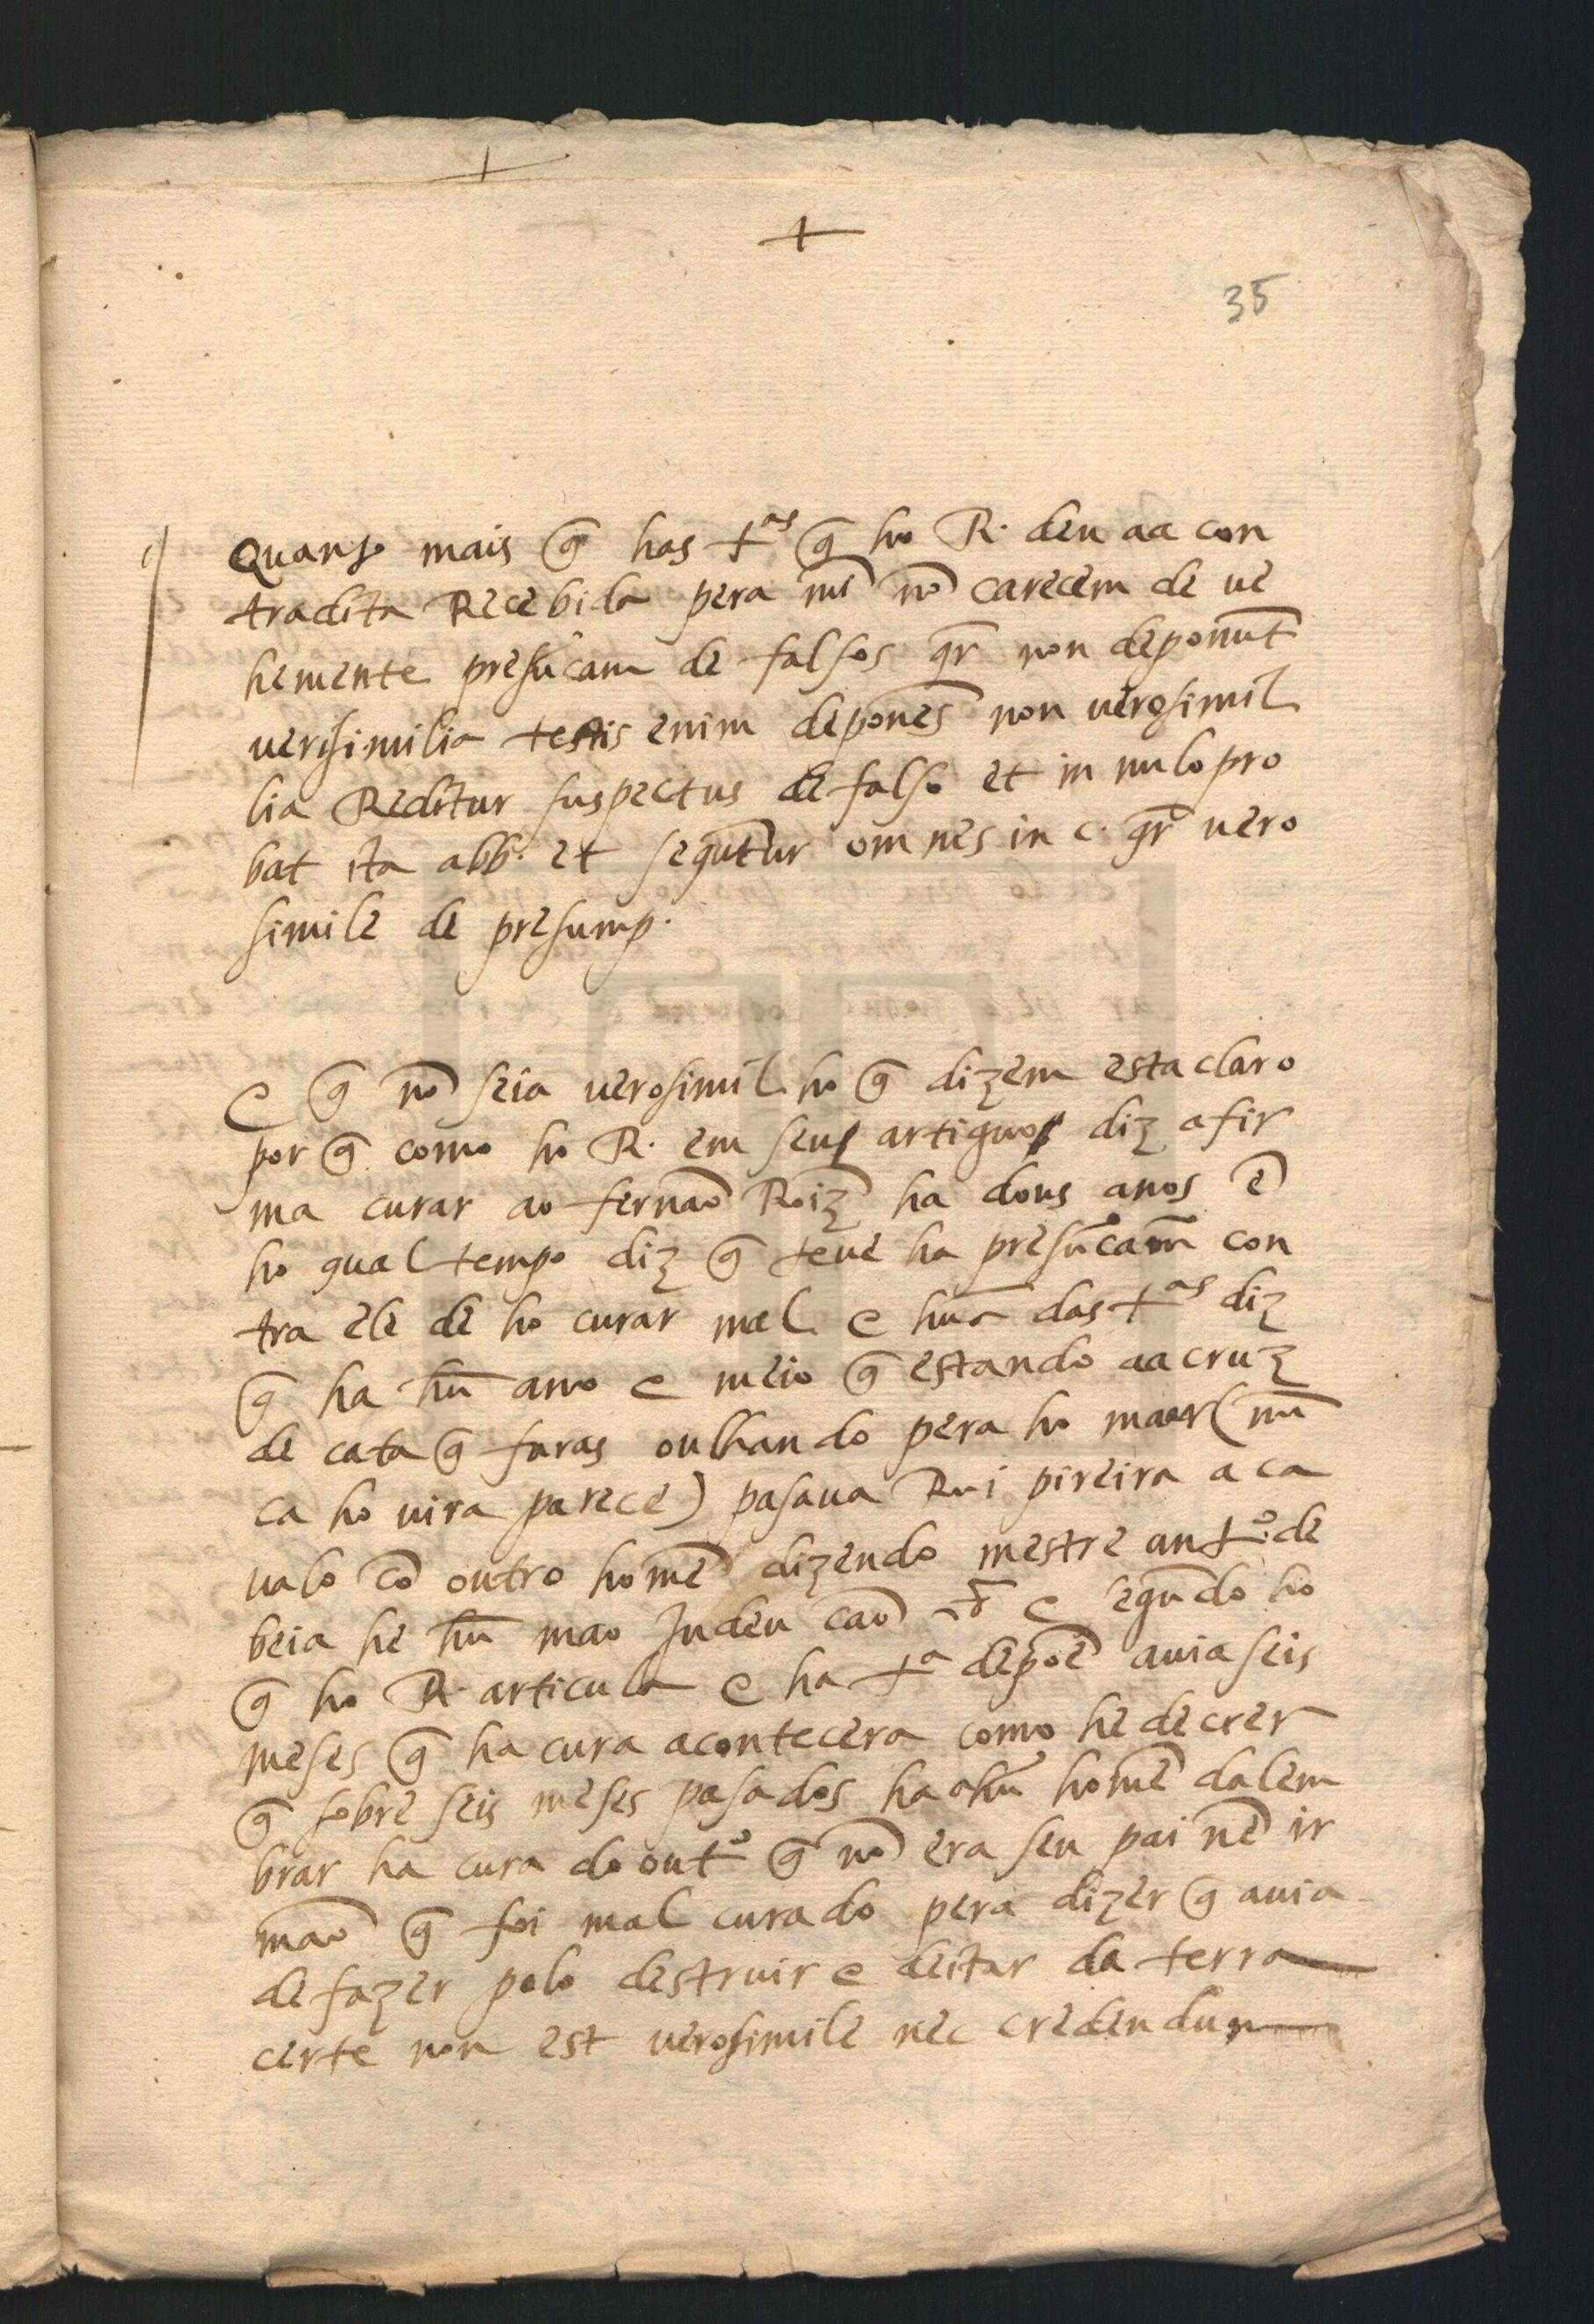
Quanto mais q̄ has tas q̄ ho R. deu aa con
tradita Recebida pera m̄i n̄o carecem de ue
hemente presūcam de falsos q̄r non depon̄ut
uerisimilia testis enim depōnes non uerosimil
lia Reditur suspectus de falso et in nulo pro
bat ita abb. et seq̄utur omnes in c. q̄r uero
simile de presump.
e q̄ n̄o seia uerosimil ho q̄ dizem esta claro
por q̄ como ho R. em seu_ artiguo_ diz afir
ma curar ao fernão Rōiz ha dous anos ē
ho qual tempo diz q̄ teue ha presūcam con
tra ele de ho curar mal e hūa das tas diz
q̄ ha hū ano e meio q̄ estando aa cruz
de cata q̄ faras oulhando pera ho maar (nū
ca ho uira parece) pasaua Rui pireira a ca
ualo c̄o outro hom̄e dizendo mestre anto de
beia he hū mao Judeu cão ct̄ e segūdo ho
q̄ ho R. articula e ha ta depõe auia seis
meses q̄ ha cura acontecera como he de crer
q̄ sobre seis meses pasados ha a hū homē dalem
brar ha cura do outo q̄ n̄o era seu pai nē ir
mão q̄ foi mal curado pera dizer q̄ auia
de fazer polo destruir e deitar da terra
certe non est uerosimile nec credendum
